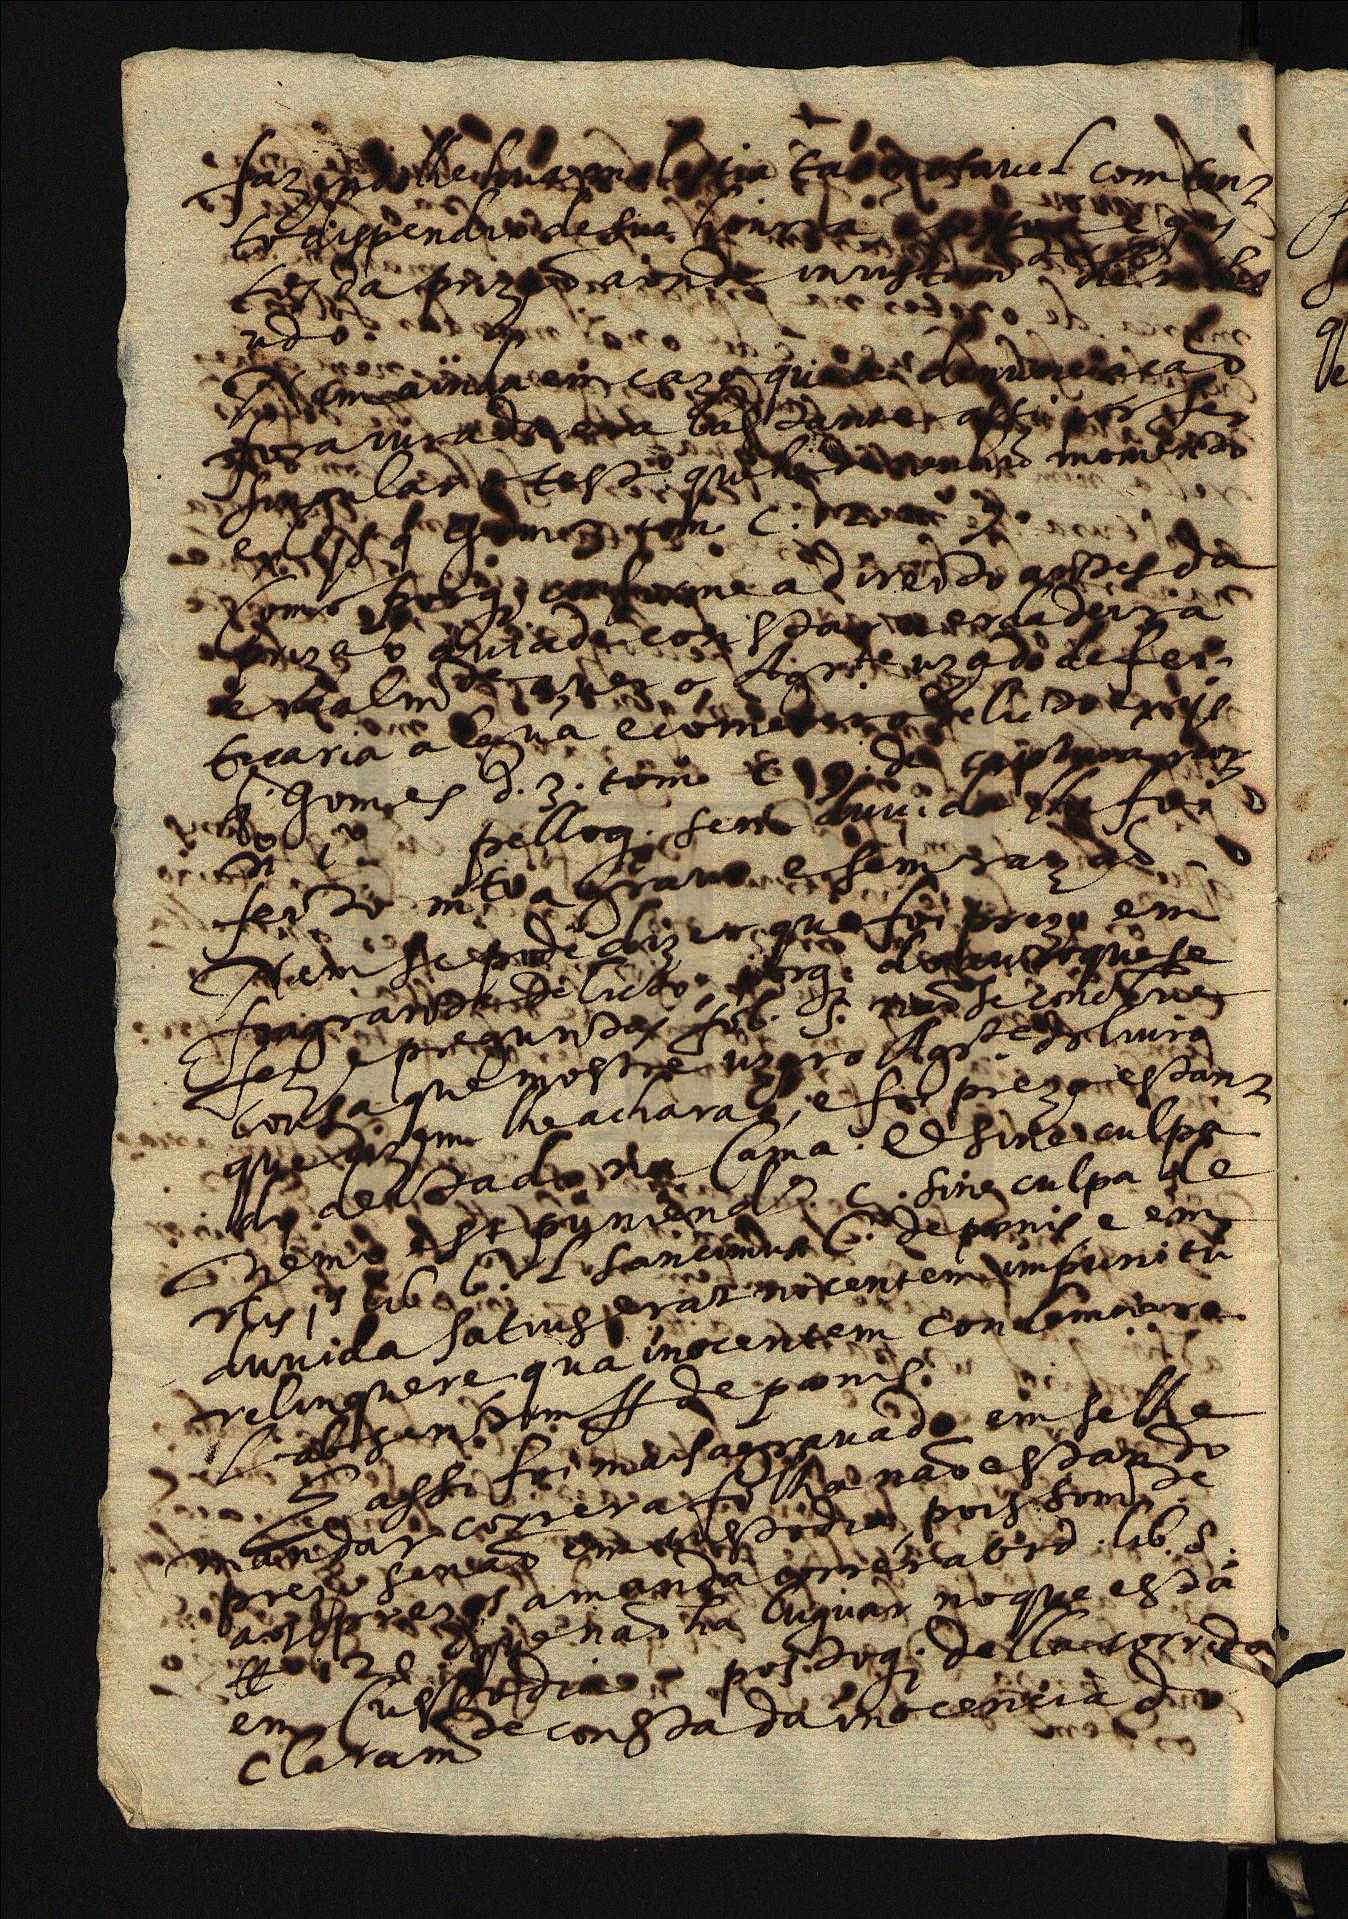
fazendolhe hūa molestia taõ notauel com tan
to dispendio de sua honrra e pessoa e gas
tos da prizaõ aonde iniustamte he cōthe
udo.
Nem ainda em cazo que a denunciaçaõ
fora iurada era bastante assi por ser
singular o testo que he de nenhū momento
ex 189 gomez tom c. 12 no 9
Como porq conforme a direito antes da
prizaõ auiada consta uerdadeira
e realmte auer o Agr.te uzado de fei
tiçaria alguā e cometer o delicto ex 16
q̄. gomes d. 3. tomo C 19 de captura reo
no 1o pello q. sem duuida lhe foi
feito m.to agrauo e sem razaõ
Nem se pode dizer que foi prezo em
fragrante delicto porq. do auto que se
fez e preguntas fol. 3. naõ se conclue
cousa que mostre uzar o Agrt.e do liuro
que dizem lhe acharaõ, e foi prezo estan
do deitado na Cama. et sine culpa
nemo est puniend. c. sine culpa de
rl̄is Is lib 6. L sancimus C. de pœnis e em
duuida satius erat nocentem impunitu
relinquere qua inocentem condemnaro
L absentum ff de pœnis.
E assi foi mais agrauado em se lhe
mandar correr a folha naõ estando
preso senaõ em custodia, pois somt.e
aos prezos a manda correr a ord. lib. 5.
tto 125 que naõ ha luguar no que está
em Custodia posto q. della corrida
claramte consta da inocencia do
